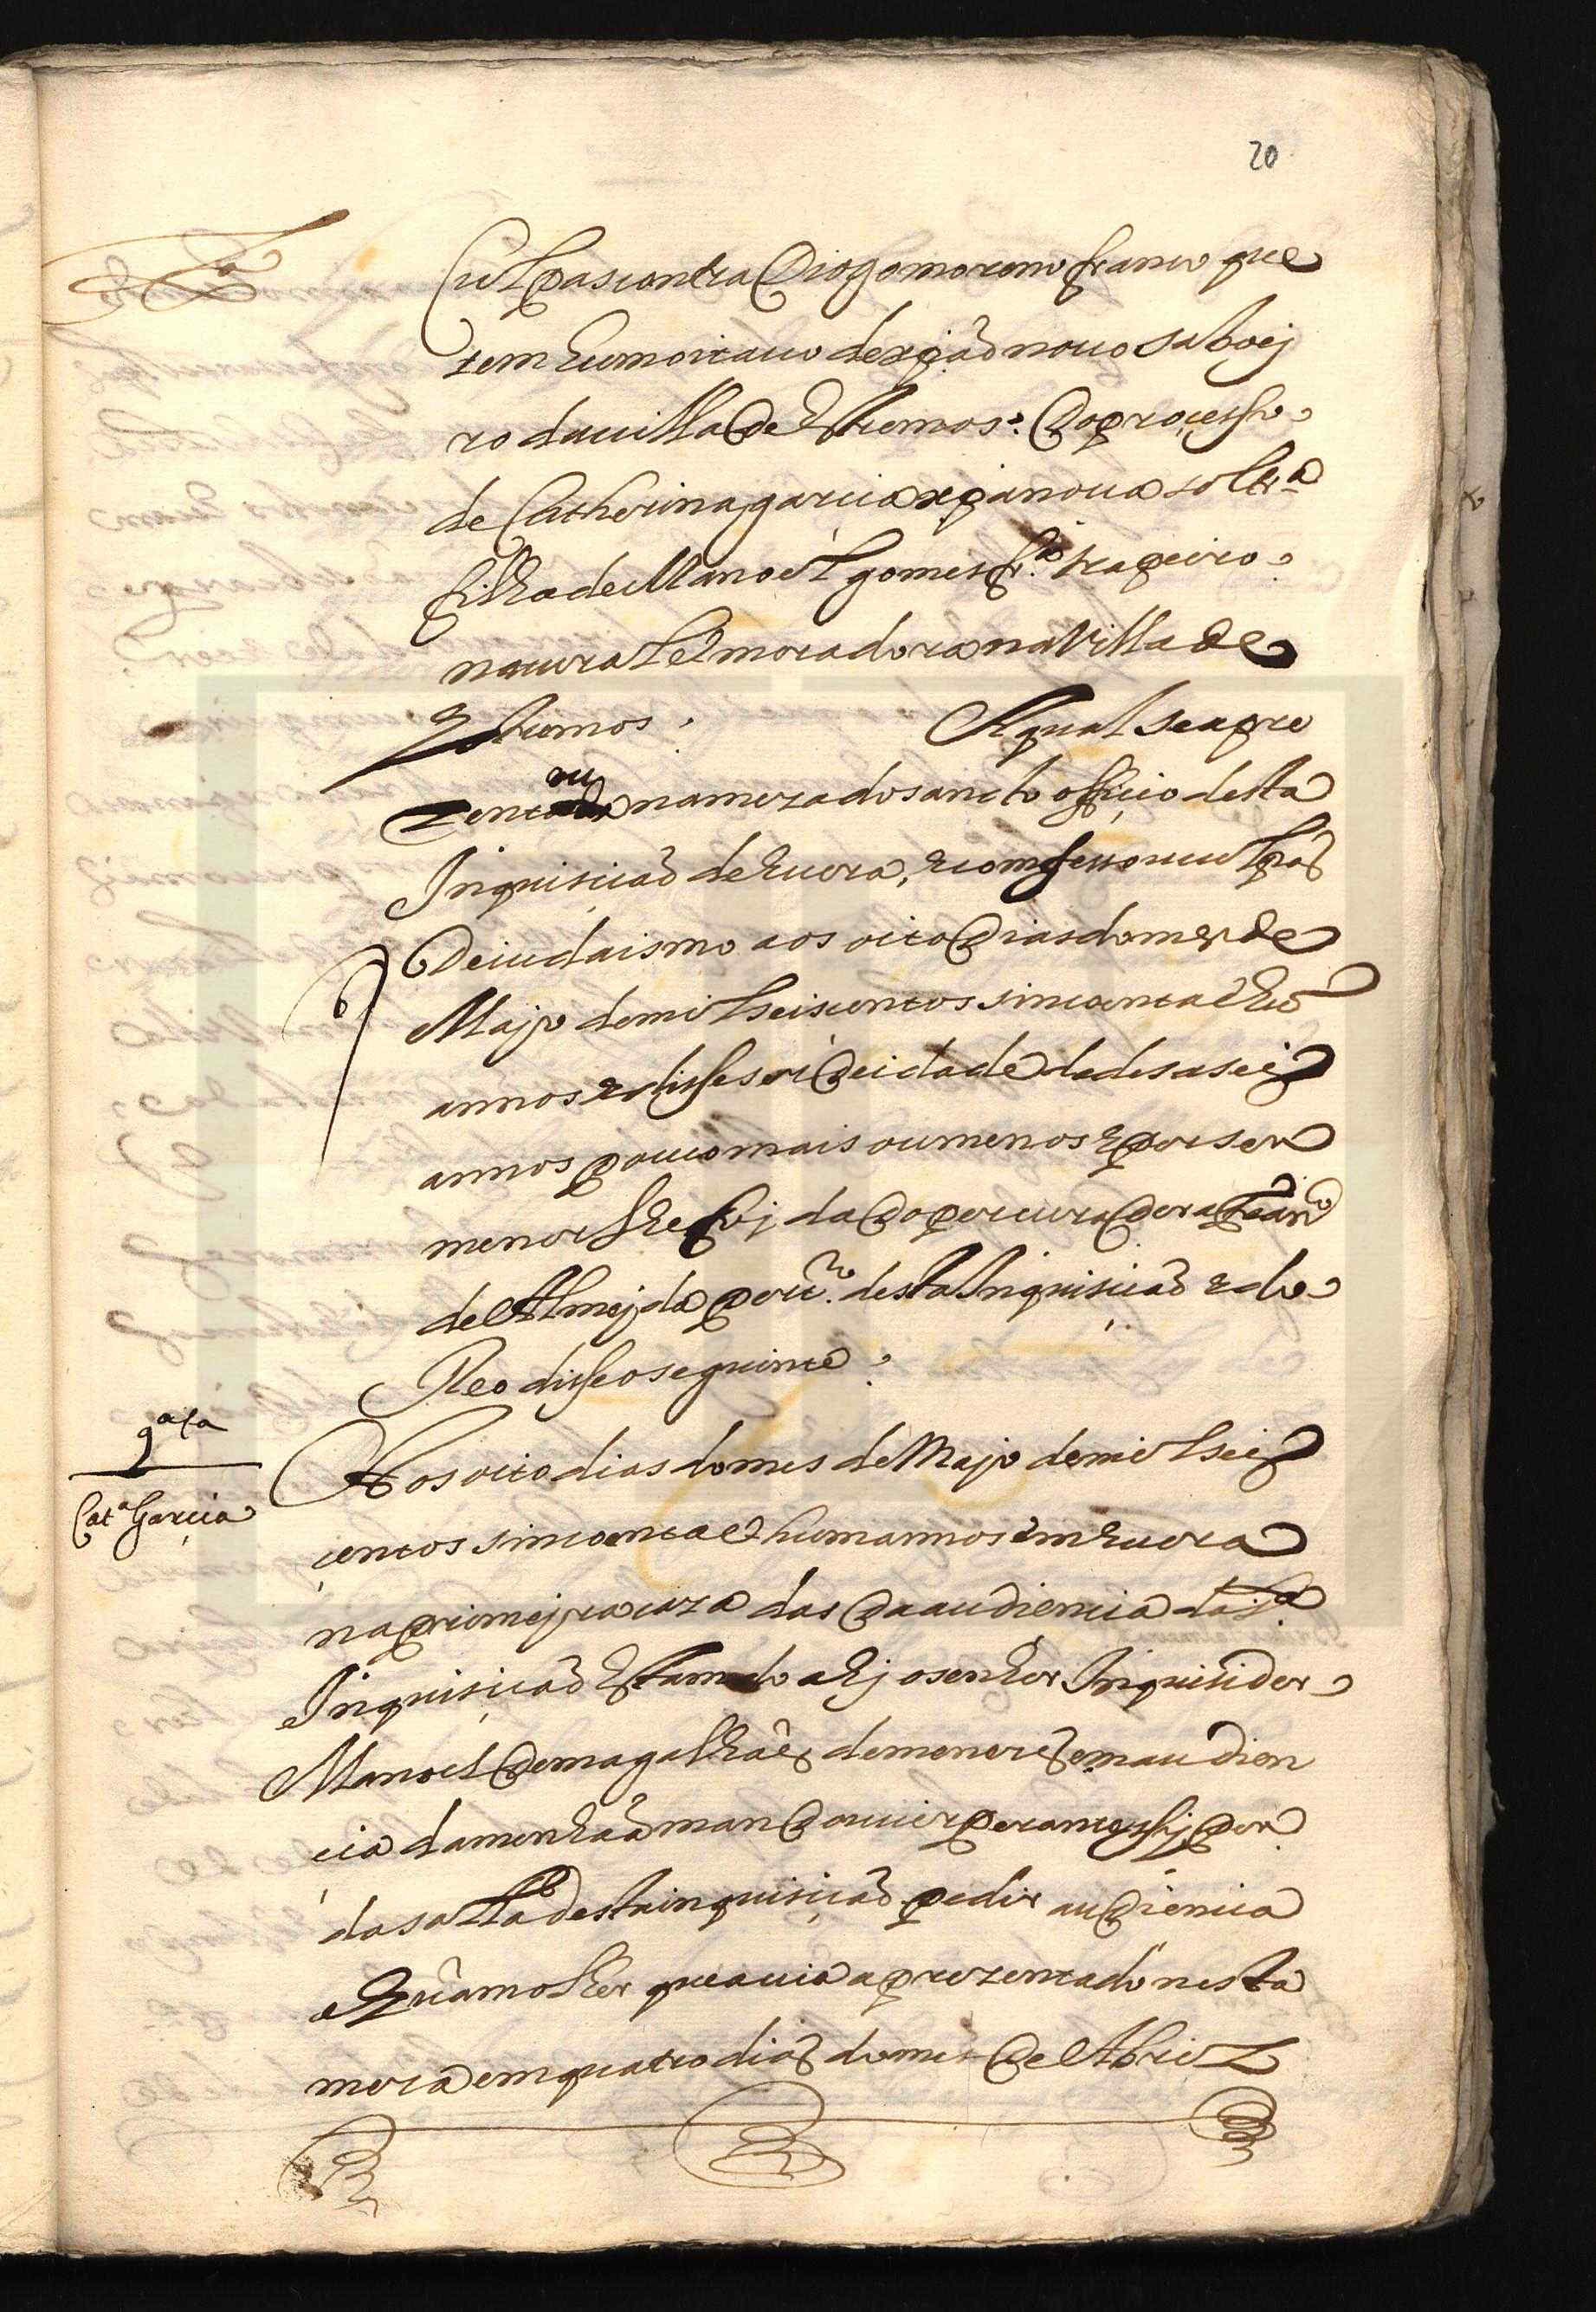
9a ta
Cata Garcia
Culpas contra Diogo moreno franco que
tem hum oitauo de xpaõ nouo saboej
ro da uilla de Estremos. Do processo
de Catherina garcia xpa noua soltr.a
filha de Manoel gomes fr.a trapeiro
natural e moradora na Villa de
Estremos
A qual se apre
zentou na meza do sancto officio desta
Jnquisiçaõ de Euora, E comfessou culpas
De iudaismo aos oito Dias do mes de
Majo de mil seiscentos sincoenta e hū
annos E disse ser de idade de desaseis
annos pouco mais ou menos E por ser
menor lhe foj dado por curador a Franco
de Almejda portro desta Inquisiçaõ E do
Reo disse o seguinte.
Aos oito dias do mes de Majo de mil seis
centos sincoenta e hum annos em Euora
na primejra caza das da audiencia da sta
Inquisiçaõ Estando ahj o senhor Inquisidor
Manoel de magalhaẽs de menezes em audien
cia da menhaā mandou uir perante sj por
da salla desta inquisição pedir audiencia
a huā molher que auia aprezentado nesta
meza em quatro dias do mes de AbriL
